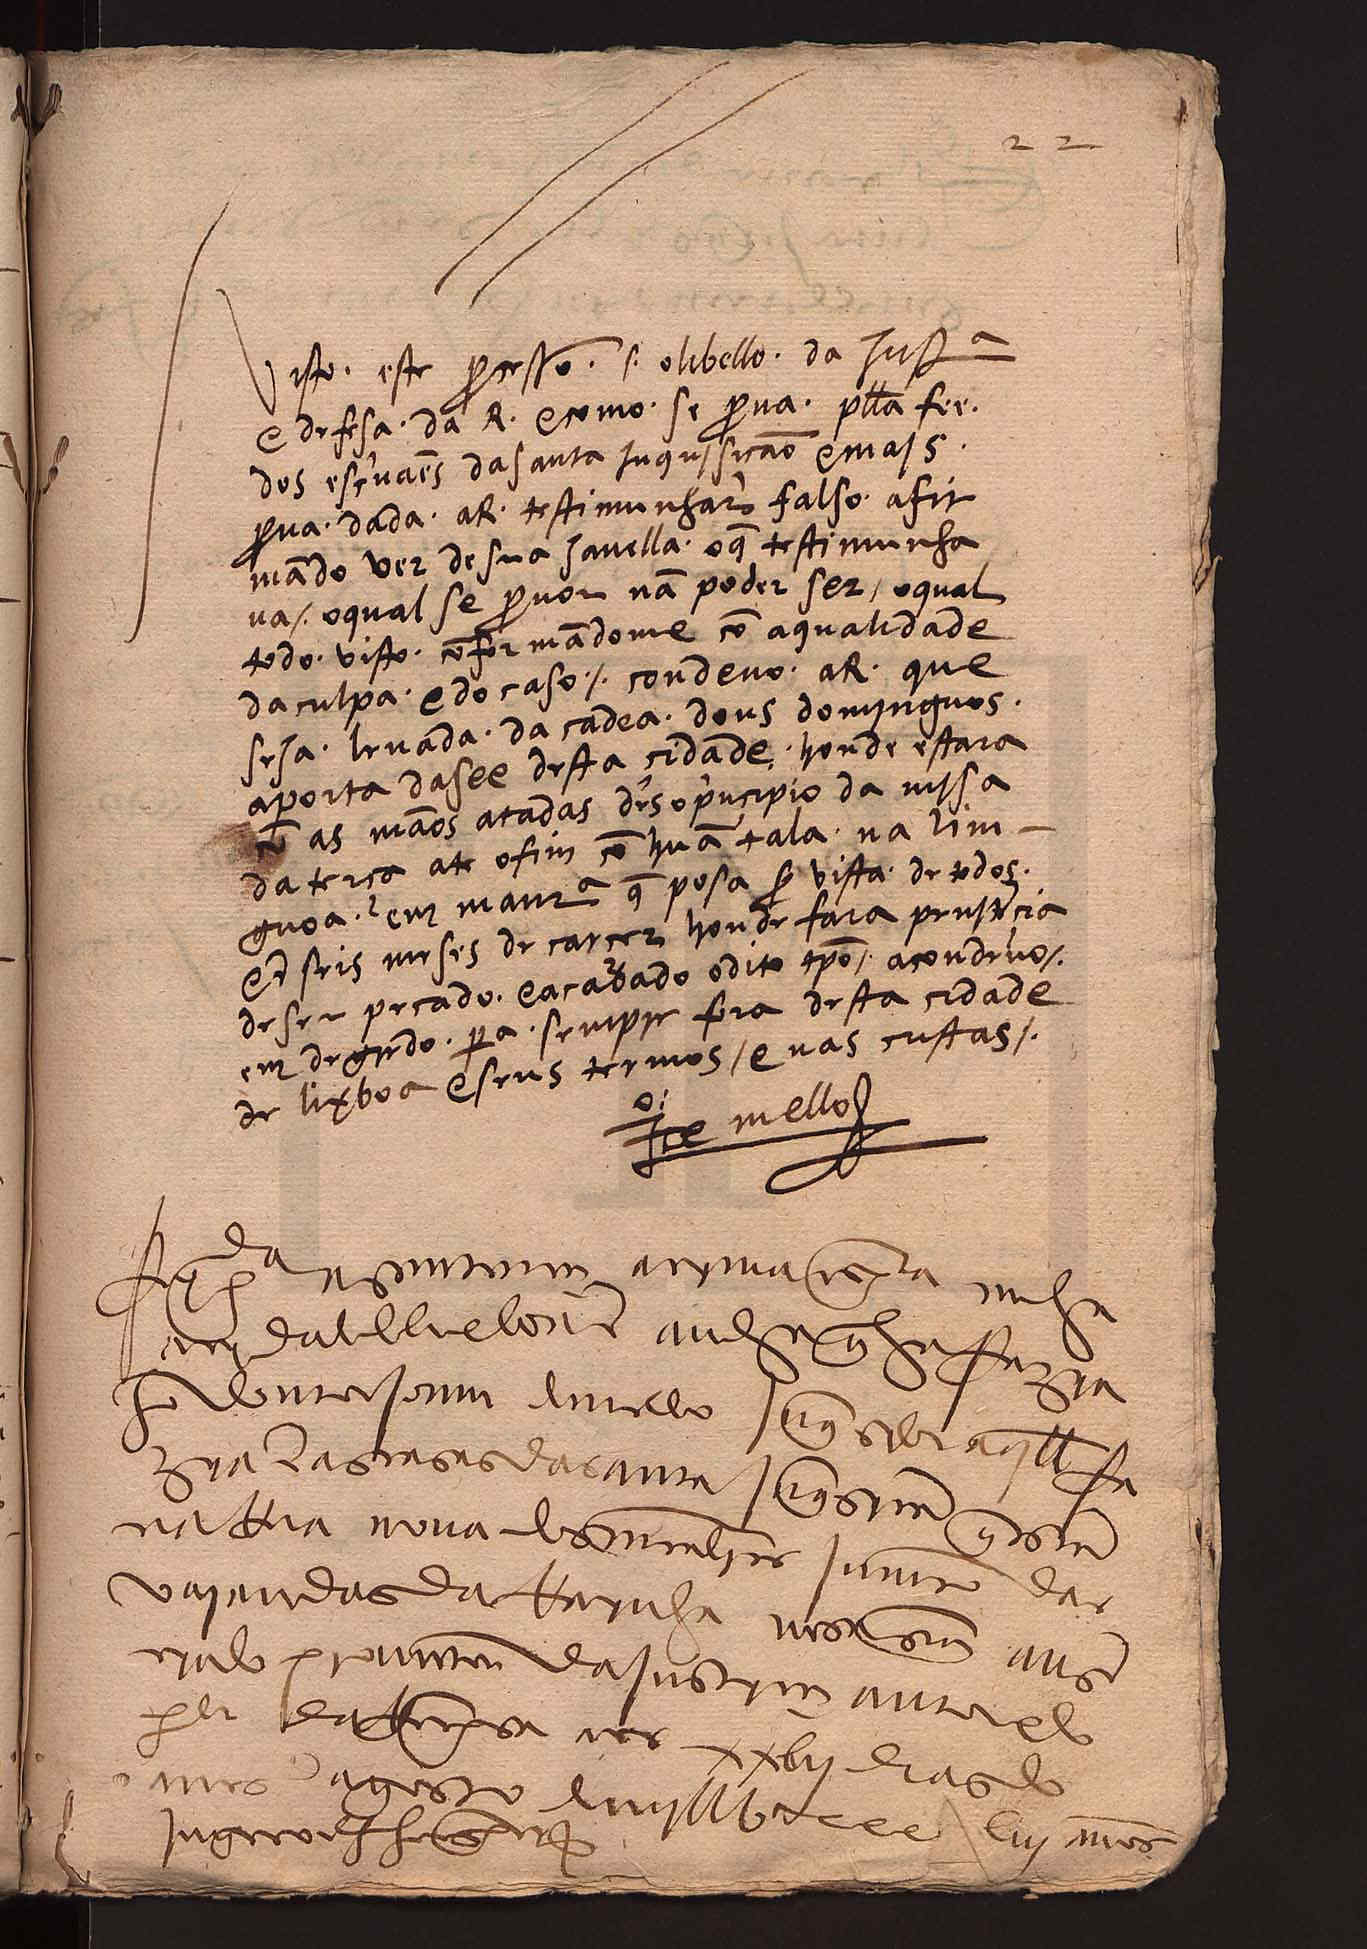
Visto este ꝓcesso. s. o libello da Justa
e defesa. da R. e como. se ꝓua. pl̄la fee.
dos esciuaẽs da santa Jnqujsição e majs
ꝓua. dada. a R. testimunhar falso afir
mādo ver de sua Janella. o q̄ testimunha
ua /. o qual se ꝓuou nā poder ser / o qual
todo. visto. cōformādome c̄o a qualidade
da culpa. e do caso ./. condeno. a R. que
seJa. leuada. da cadea. dous domjnguos
a porta da see desta cidade honde estara
cō as mãos atadas des o p̄ncipio da mjsa
da terça ate o fim c̄o huā tala na lim
guoa. em manra q̄ posa ꞩ vista. de todos.
e ē seis meses de carcer honde fara penjtēcia
de seu pecado. e acabado o dito tp̄o /. a condeno /.
em degredo. ꝑa. sempre fora desta cidade
de lixboa e seus termos / e nas custas /.
Jo de mello
foy p̄da a semtença acyma esp̄ta em ha
a cydade de lixboa ē audja q̄ hi fazya
ho doutor Joam de mello Jnq̄sydor a q̄ll fa
zya ē as casas da santa Jnq̄syçā q̄ estā
na Rua noua dos mercadores Jumto das
varandas da Raynha nosa s̄ra ausē
cya do prometor da Justyça autor e do
pdor da Ree p̄sa aos xxbij dias do
mes dagosto de mjll bc xxx liij ānos
Jorge coelho ho esꝑvy
